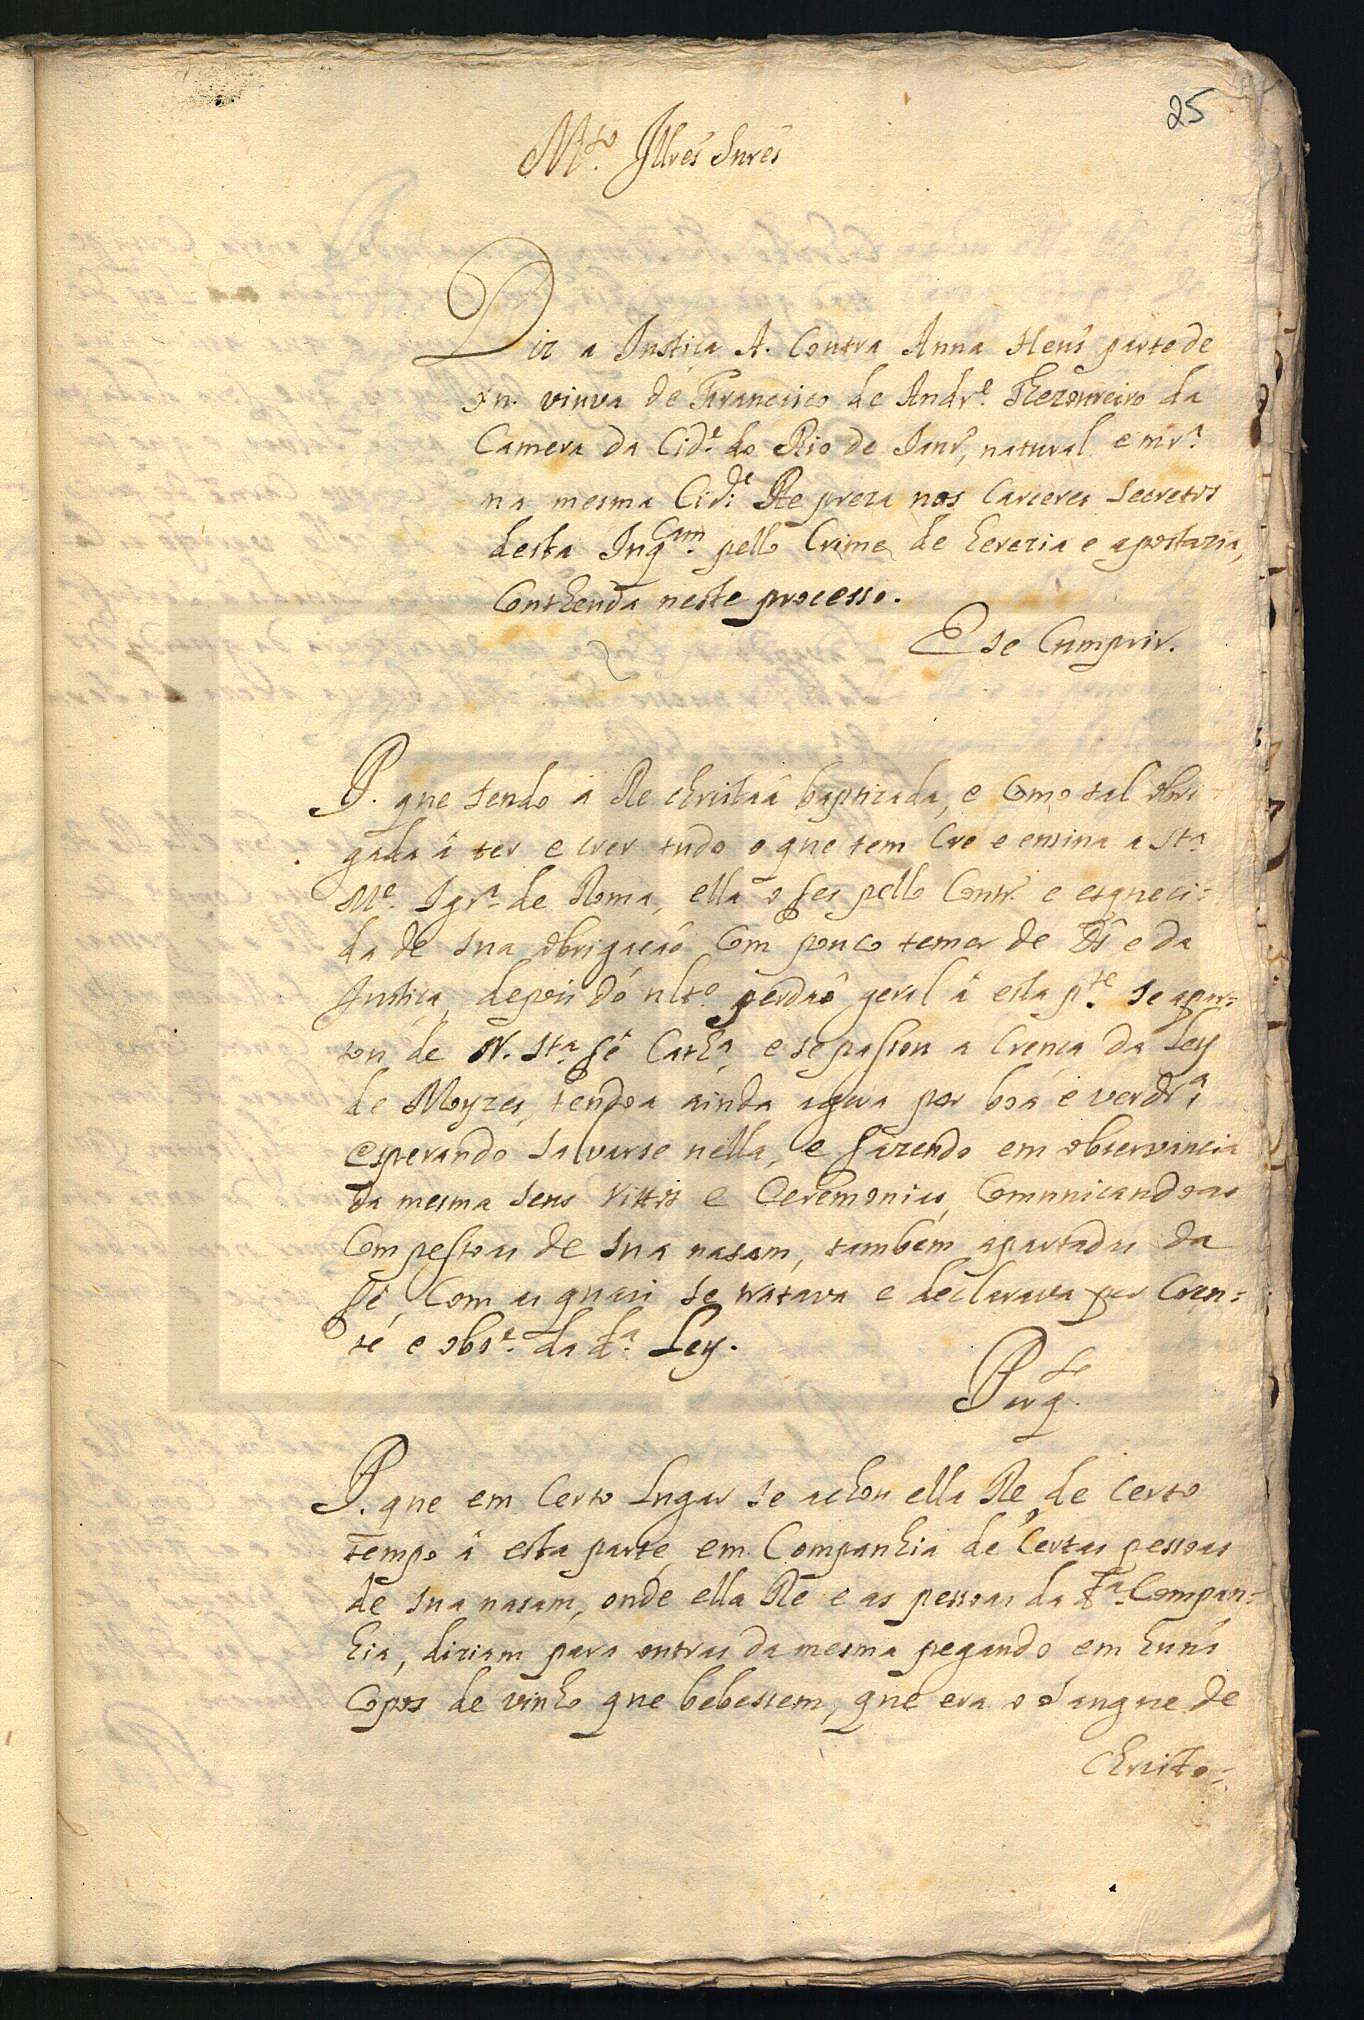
M.to Jllres̄ Snres̄
Diz a Iustiça A. Contra Anna Hens̄ parte de
xn. viuva de Francisco de Andr.e Thezoureiro da
Camera da Cid.e do Rio de Ianro, natural e mr.a
na mesma Cid:e Re preza nos Carceres Secretos
desta Inq.Çam pello Crime de herezia e apostazia,
Contheuda neste processo.
E se Cumprir.
P. que sendo á Re christaã baptizada, e como tal obri
gada á ter e crer tudo o que tem Cre e ensina a st.a
M.e Igr.a de Roma, ella o fes pello Contr.o e esqueci
da de sua obrigaçaõ Com pouco temor de Ds̄ e da
Justiça, depois do ult.o perdaõ geral á esta p.te se apar
tou de N. st.a fé Cath.a, e se passou à Crença da Ley
de Moyzes, tendoa ainda agora por boa e verdr.a
esperando salvarse nella, e fazendo em observancia
da mesma seus rittos e Ceremonias, Comunicandoas
Com pessoas de sua nasam, tambem apartadas da
fé, Com as quais se tratava e declaraua por Cren
te e obs.e da d̄.a Ley.
Perq.to
P. que em certo Lugar se achou ella Re, de certo
tempo á esta parte em Companhia de certas pessoas
de sua nasam, onde ella Re e as pessoas da d̄.a Compan
hia, diziam para outras da mesma pegando em huns
Copos de vinho que bebessem, que era o Sangue de
Christo
